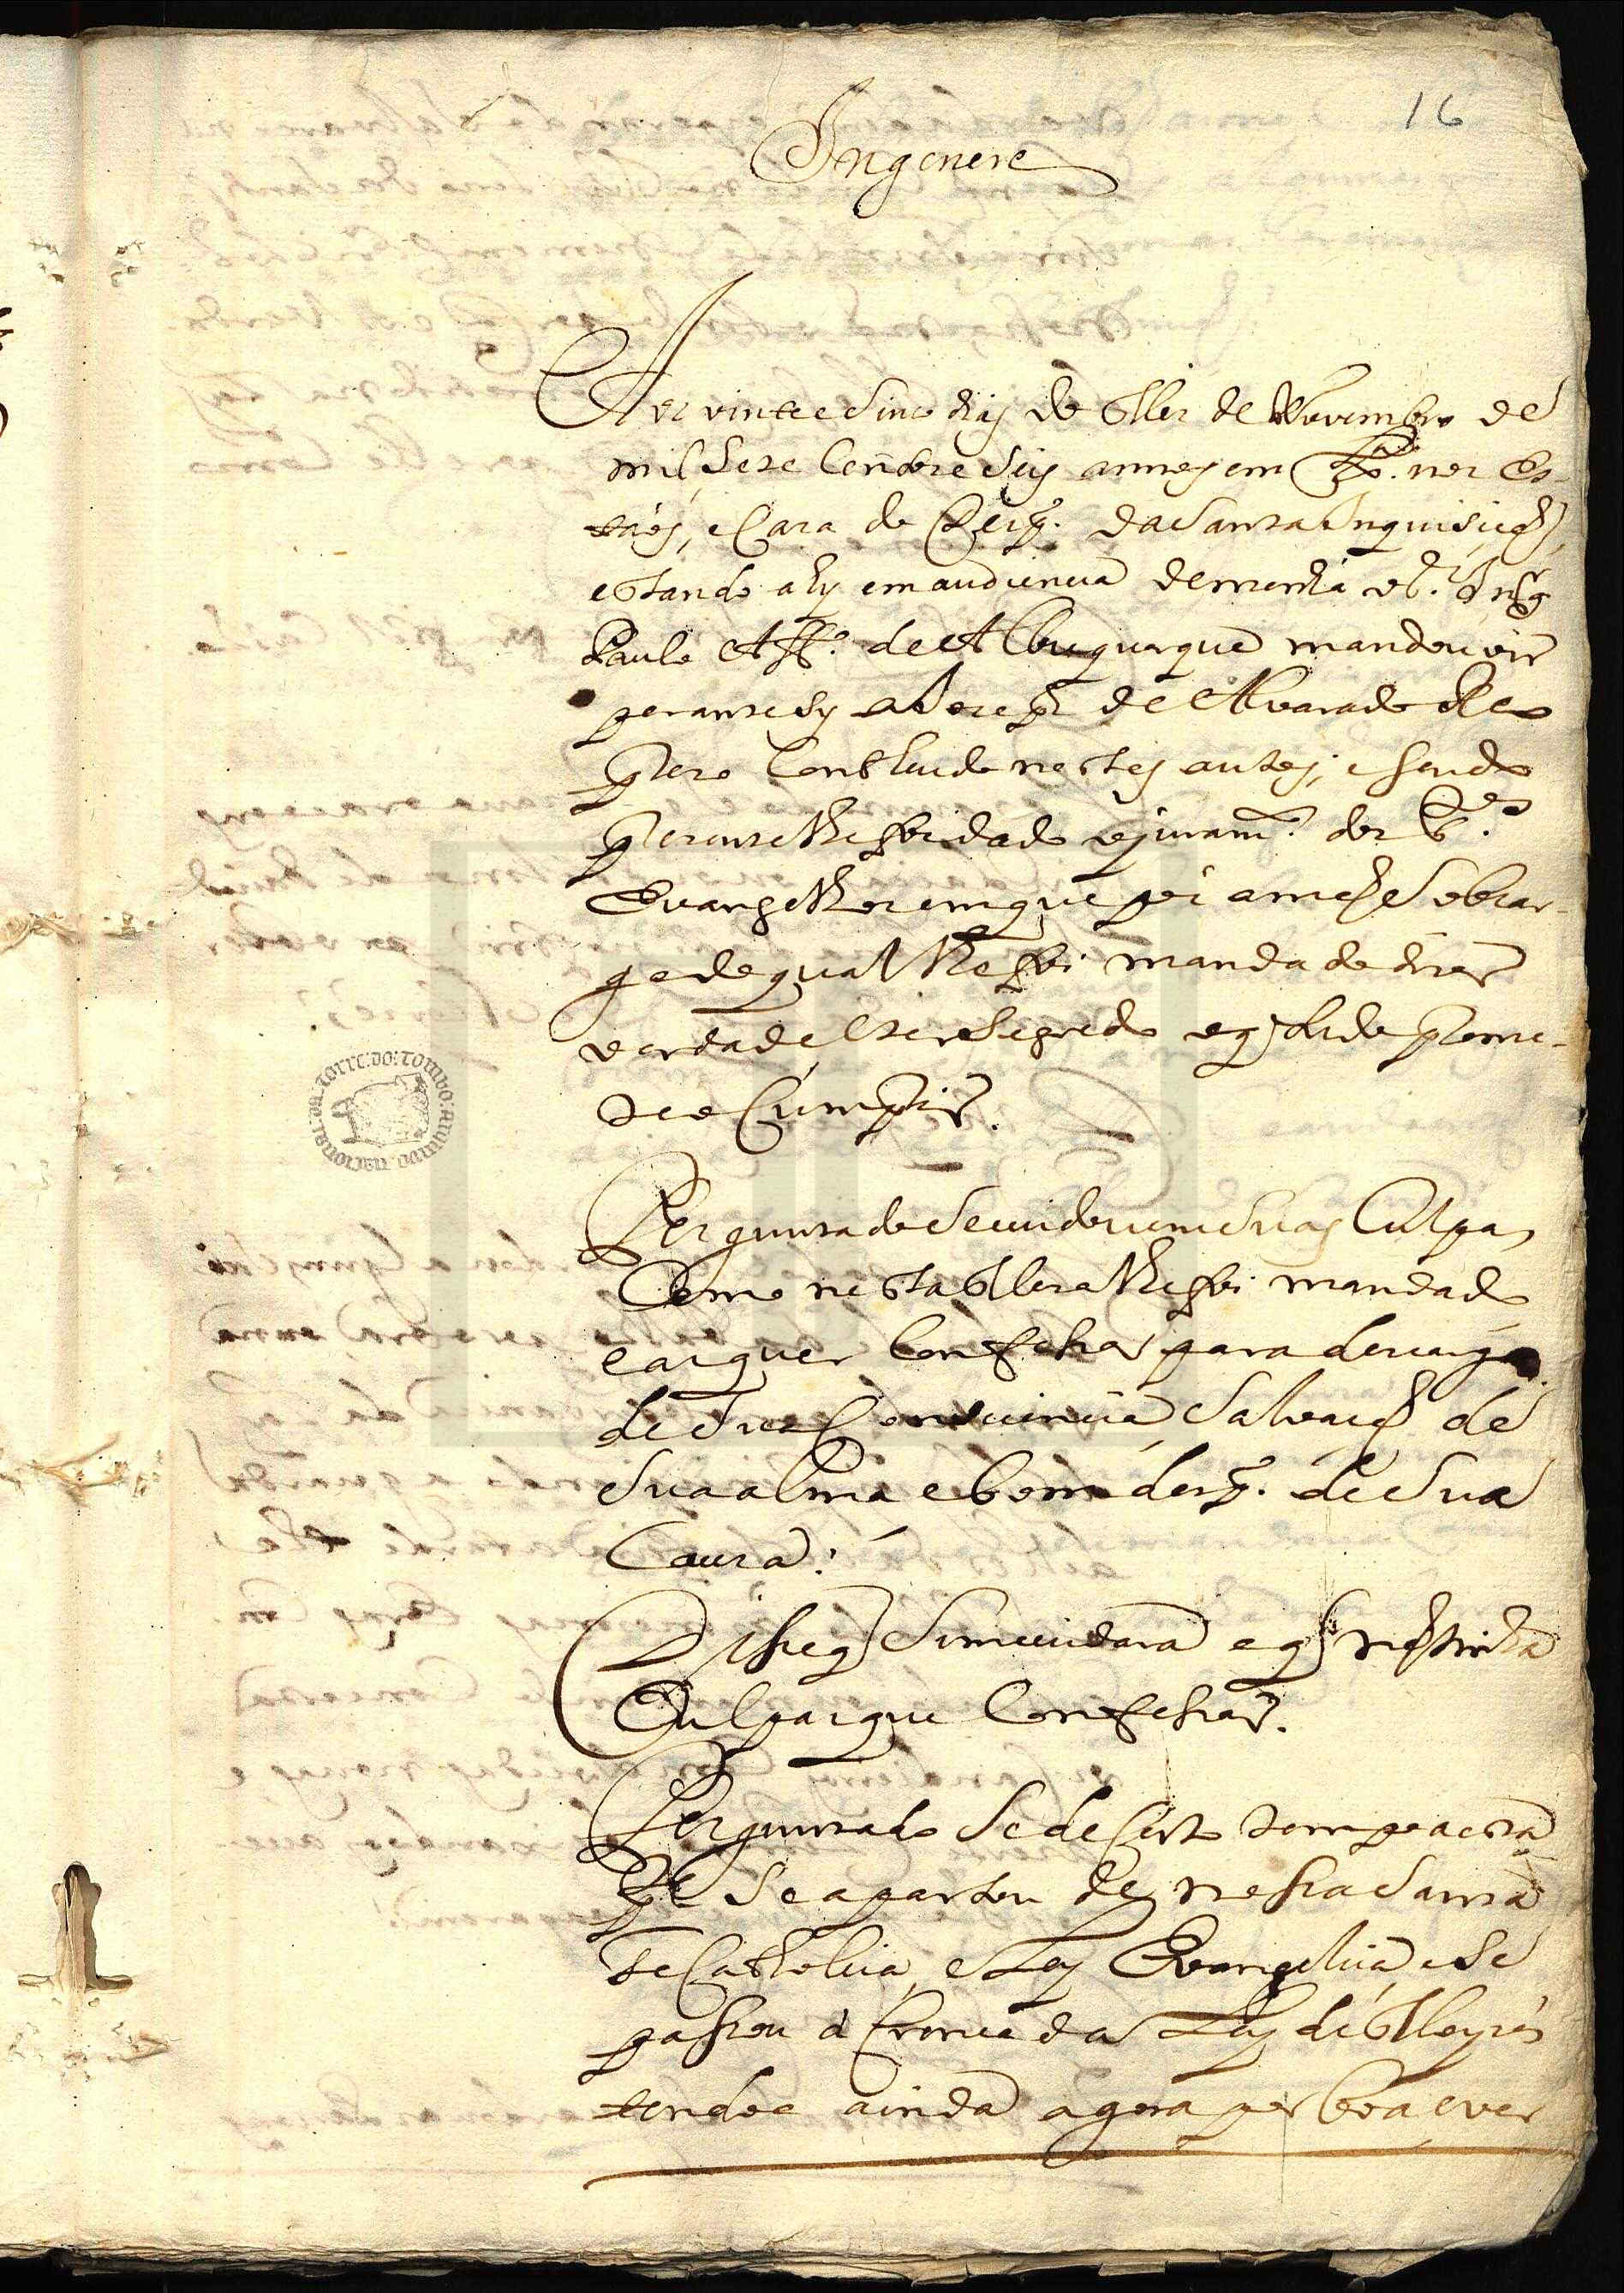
In genere
Aos vinte e sinco dias do Mez de Novembro de
mil, SeteCentos e seis annos em Lx.a nos Es
taós, e Caza do Desp.o da Santa Inquisiçaõ,
estando ahy em audiencia de menhã o S.or Inqr
Paulo Aff.o de Albuquerque, mandou vir
perante sy a Iozeph de Alvarado Reo
pRezo Contheudo nestes autos, e sendo
pRezente lhe foi dado o juram.to. dos s.tos
Evangelhos em que poz a maõ Sob car
go do qual lhe foi mandado dizer
verdade e ter segredo o q̄ Lido pRome
teo Cumprir.
Perguntado se cuidou em Suas Culpas
Como nesta Meza lhe foi mandado
e as quer Confessar para descargo
de Sua Consciencia, Salvaçaõ de
Sua alma, e bom desp.o de Sua
Cauza:
Disse q̄ Sim cuidara e q̄ naõ tinha
Culpas que Confessar.
Perguntado Se de Certo tempo a esta
pte se apartou de nossa Santa
Fe Catholica, e Ley Evangelica, e Se
passou á Crença da Ley de Moyzés
tendoa ainda agora por boa e ver
